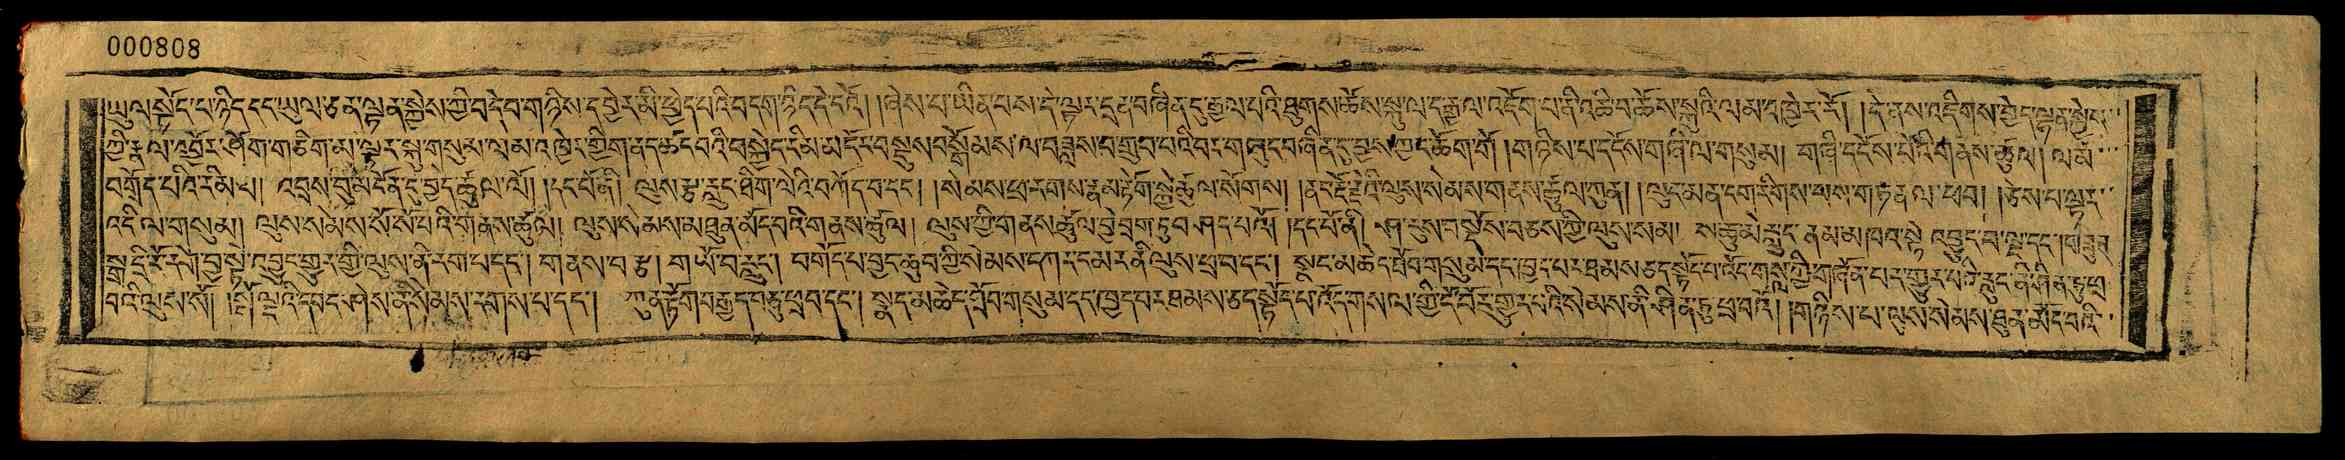ཡུལ་སྟོང་པ་ཉིད་དང་ཡུལ་ཅན་ལྷན་སྐྱེས་ཀྱི་བདེ་བ་གཉིས་དབྱེར་མི་ཕྱེད་པའི་བདག་ཉིད་དེ་ངའོ། །ཞེས་པ་ཡིན་པས་དེ་ལྟར་དྲན་བཞིན་དུ་རྒྱལ་བའི་ཐུགས་ཆོས་སྐུ་ལ་ང་རྒྱལ་འཇོག་པ་ནི་འཆི་བ་ཆོས་སྐུའི་ལམ་འཁྱེར་རོ། །དེ་ནས་འཇིགས་བྱེད་ལྷན་སྐྱེས་
ཀྱི་རྣལ་འབྱོར་ཤོག་གཅིག་མ་ལྟར་སྐུ་གསུམ་ལམ་འཁྱེར་གྱི་གནད་ཚང་བའི་བསྐྱེད་རིམ་མདོར་བསྡུས་བསྒོམས་ལ་བཟླས་པ་གྲུབ་པའི་བར་གཞུང་བཞིན་དུ་བྱས་ཀྱང་ཆོག་གོ །གཉིས་པ་དངོས་གཞི་ལ་གསུམ། །གཞི་དངོས་པོའི་གནས་ཚུལ། ལམ་
བགྲོད་པའི་རིམ་པ། འབྲས་བུ་མངོན་དུ་བྱེད་ཚུལ་ལོ། །དང་པོ་ནི། ལུས་རྩ་རླུང་ཐིག་ལེའི་བཀོད་པ་དང་། །སེམས་ཕྲ་རགས་རྣམ་རྟོག་སྐྱེ་ཚུལ་སོགས། །ནང་རྡོ་རྗེའི་ལུས་སེམས་གནས་ཚུལ་ཀུན། །ལུང་མན་ངག་རགས་པས་གཏན་ལ་ཕབ། །ཅེས་པ་ལྟར་
འདི་ལ་གསུམ། ལུས་སེམས་སོ་སོ་བའི་གནས་ཚུལ། ལུས་སེམས་མཐུན་མོང་བའི་གནས་ཚུལ། ལུས་ཀྱི་གནས་ཚུལ་བྱེ་བྲག་ཏུ་བཤད་པའོ། །དང་པོ་ནི། ཤ་རུས་བསྡོས་བཅས་ཀྱི་ལུས་སམ། ས་ཆུ་མེ་རླུང་ནམ་མཁའ་སྟེ་འབྱུང་བ་ལྔ་དང་། གཟུགས་
སྒྲ་དྲི་རོ་རེག་བྱ་སྟེ་འབྱུང་གྱུར་གྱི་ལུས་ནི་རག་པ་དང་། གནས་པ་རྩ། གཡོ་བ་རླུང་། བཀོད་པ་བྱང་ཆུབ་ཀྱི་སེམས་དཀར་དམར་ནི་ལུས་ཕྲ་བ་དང་། སྣང་མཆེད་ཐོབ་གསུམ་དང་ཁྱད་པར་ཐམས་ཅད་སྟོང་པ་འོད་གསལ་གྱི་བཞོན་པར་གྱུར་པའི་རླུང་ནི་ཤིནྟུ་ཕྲ་
བའི་ལུས་སོ། །སྒོ་ལྔའི་དབང་ཤེས་ནི་སེམས་རགས་པ་དང་། ཀུན་རྟོག་བརྒྱད་བཅུ་ཕྲ་བ་དང་། སྣང་མཆེད་ཐོབ་གསུམ་དང་ཁྱད་པར་ཐམས་ཅད་སྟོང་པ་འོད་གསལ་གྱི་ངོ་བོར་གྱུར་པའི་སེམས་ནི་ཤིན་ཏུ་ཕྲ་བའོ། །གཉིས་པ་ལུས་སེམས་ཐུན་མོང་བའི་